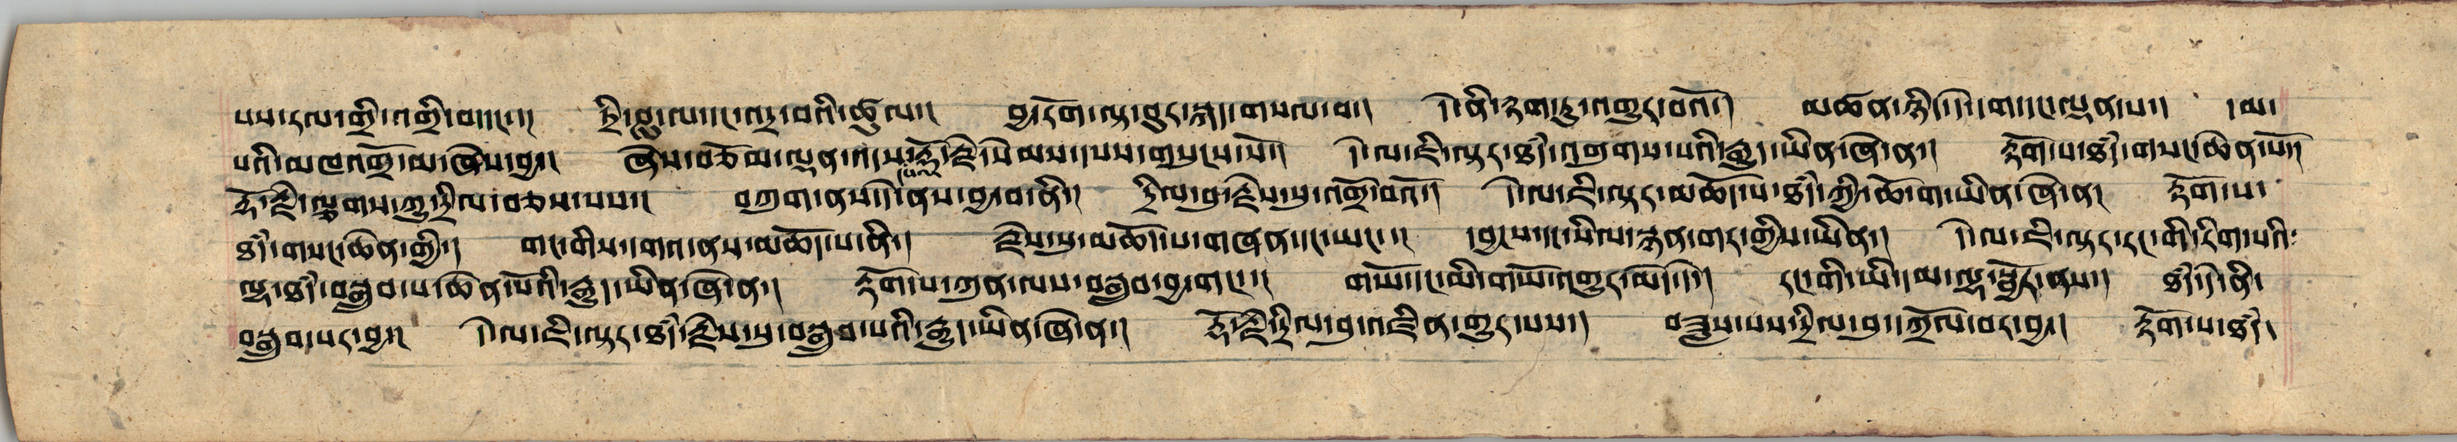པས་རལ་གྲི་འགྲི་བ་དང་་། ཏྲི་ཤུ་ལ་དང་འདྲ་བའི་ཚུལ་། བྱ་རོག་ལྟ་བུར་སྐད་གསལ་བ་། དེ་ནི་རྟག་ཏུ་འགྱུར་བའོ་། མཚན་ཉིད་དེ་དག་དང་ལྡན་པ་། དམ་
པའི་མཁའགྲོ་མ་ཞེས་བྱ་། ཞེས་བཅོམ་ལྡན་འདས་དཔལ་རྡོ་རྗེ་སེམས་དཔས་གསུངས་སོ་། དེ་ལ་ཇི་ལྟར་ཐཾད་འགུགས་པའི་རྒྱུད་ཡིན་ཞེ་ན་། རྟོག་པ་ཐཾད་གསང་ཆེན་པོ་།
རྡོ་རྗེ་ལྕགས་ཀྱུ་དྲིལ་བཅས་པས་། བཀུག་ནས་དེ་ནས་བྱ་བ་ནི་། དྲིལ་བུ་རྗེསུ་སུ་འགྲོ་བའོ་། དེ་ལ་ཇི་ལྟར་མཆོད་པ་ཐདཾ་ཀྱི་ཆོ་ག་ཡིན་ཞེ་ན་། རྟོག་པ་
ཐདཾ་གསང་ཆེན་གྱི་། གང་གི་དགའ་ནས་མཆོད་པ་ནི་། རྗེས་སུ་མཆོད་པ་གཞན་དང་ཡང་་། དབྱངས་དང་སིལ་སྙན་གར་གྱིས་ཡིན་། དེ་ལ་ཇི་ལྟར་རང་གི་རིག་པའི་
ལྷ་ཐདཾ་བསྒྲུབ་པ་ཆེན་པོའི་རྒྱུད་ཡིན་ཞེ་ན་། རྟོག་པ་ཀུན་ལས་བསྒྲུབ་བྱ་གང་་། གཡོ་དང་མི་གཡོ་འགྱུར་མེད་དེ་། རང་གི་ཡི་དམ་ལྷ་སྦྱོར་ནས་། ཐདཾ་དེ་ནི་
བསྒྲུབ་པར་བྱ་། དེ་ལ་ཇི་ལྟར་ཐདཾ་རྗེས་སུ་བསྒྲུབ་པའི་རྒྱུད་ཡིན་ཞེ་ན་། རྡོ་རྗེ་དྲིལ་བུ་འཛིན་གྱུར་པས་། བཟླས་པས་དྲིལ་བུ་དཀྲོལ་བར་བྱ་། རྟོག་པ་ཐདཾ་